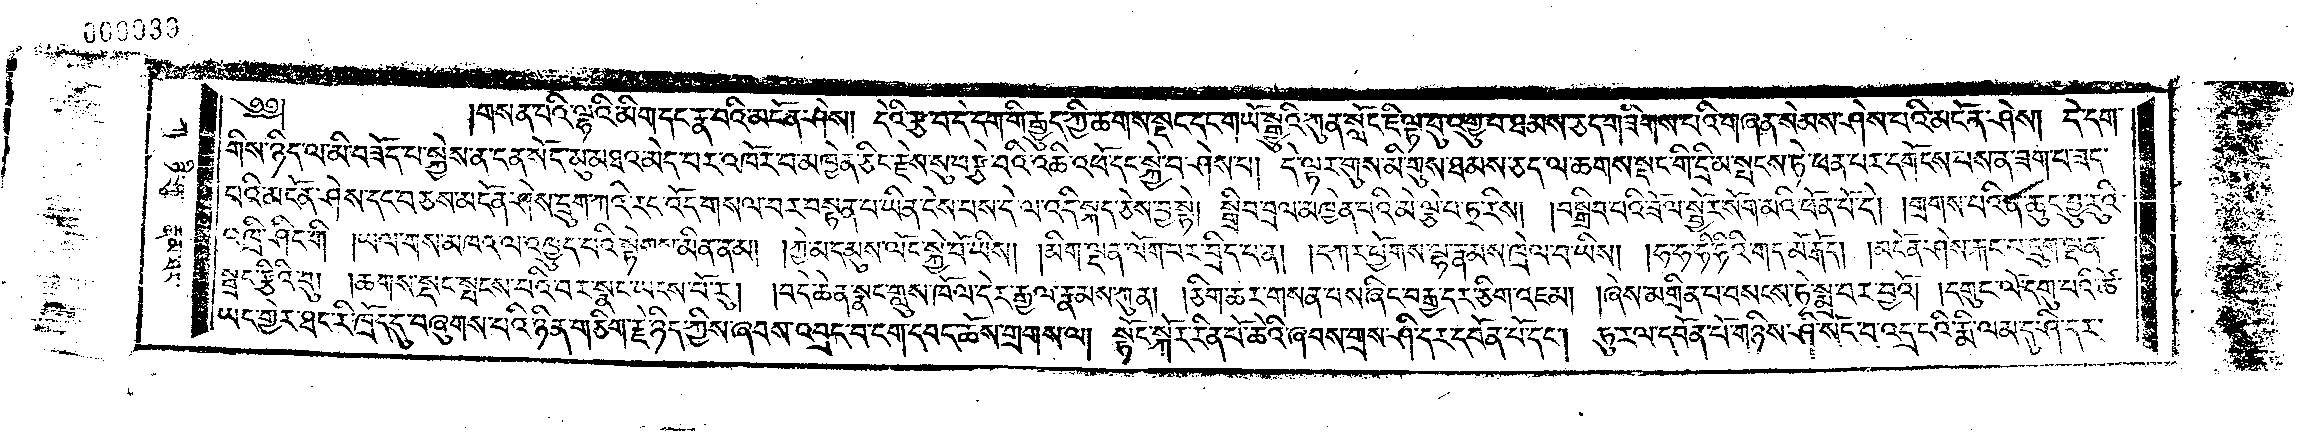༄༅། །གསན་པའི་ལྷའི་མིག་དང་རྣ་བའི་མངོན་ཤེས། དེའི་རྩ་བ་དེ་དག་གི་རྒྱུད་ཀྱི་ཆགས་སྡང་དང་གཡོ་སྒྱུའི་ཀུན་སློང་ཇི་ལྟ་བུ་འགྱུ་བ་ཐམས་ཅད་གཟིགས་པའི་གཞན་སེམས་ཤེས་པའི་མངོན་ཤེས། དེ་དག་
གིས་ཉིད་ལ་མི་བཟོད་པ་སྐྱེས་ན་ངན་སོང་མུ་མཐའ་མེད་པར་འཁོར་བ་མཁྱེན་ཅིང་རྗེས་སུ་བརྩེ་བའི་འཆི་འཕོ་དང་སྐྱེ་བ་ཤེས་པ། དེ་ལྟར་གུས་མི་གུས་ཐམས་ཅད་ལ་ཆགས་སྡང་གི་དྲི་མ་སྤངས་ཏེ་ཕན་པར་དགོངས་པས་ན་ཟག་པ་ཟད་
པའི་མངོན་ཤེས་དང་བཅས་མངོན་ཤེས་དྲུག་ཀའི་རང་འོད་གསལ་བར་བསྟན་པ་ཡིན་ངེས་པས་དེ་ལ་འདི་སྐད་ཅེས་བྱ་སྟེ། སྒྲིབ་བྲལ་མཁྱེན་པའི་མེ་ལྕེ་བ་ཏྲ་རིས། །བསྒྲིབ་པའི་ཟོལ་སྦྱོར་སོག་མའི་ཕོན་པོ་དེ། །གྲགས་པའི་ན་ཆུང་བྱུ་རུའི་
འཁྲི་ཤིང་གི །ཡལ་གས་མཁའ་ལ་འཁྱུད་པའི་སྟེགས་མིན་ནམ། །ཀྱེ་མ་དམུས་ལོང་སྐྱེ་བོ་ཡིས། །མིག་ལྡན་ལོག་བར་བྲིད་པ་ན། །དཀར་ཕྱོགས་ལྷ་རྣམས་ཁྲེལ་བ་ཡིས། །ཧ་ཧ་ཧི་ཧིའི་གད་མོ་རྒོད། །མངོན་ཤེས་རྐང་པ་དྲུག་ལྡན་
སྦྲང་རྩིའི་བུ། །ཆགས་སྡང་སྤངས་པའི་བར་སྣང་ཡངས་པོ་རུ། །བདེ་ཆེན་སྣང་གླུས་ཁོལ་དེར་རྒྱལ་རྣམས་ཀུན། །ཅིག་ཆར་གསན་པས་ཞིང་བརྒྱ་དར་ཅིག་འཇམ། །ཞེས་མགྲིན་པ་བསངས་ཏེ་སྨྲ་བར་བྱའོ། །དགུང་ལོ་དགུ་པའི་ཚེ་
ཡང་གྱེར་ཐང་རི་ཁྲོད་དུ་བཞུགས་པའི་ཉིན་གཅིག་རྗེ་ཉིད་ཀྱིས་ཞབས་འབྲང་བ་ངག་དབང་ཆོས་གྲགས་ལ། སྟོང་སྐོར་རིན་པོ་ཆེའི་ཞབས་གྲས་ཤི་དར་དབོན་པོ་དང་། ཏུར་ལ་དབོན་པོ་གཉིས་ཤི་སོང་བ་འདྲ་ངའི་རྨི་ལམ་དུ་ཤི་དར་